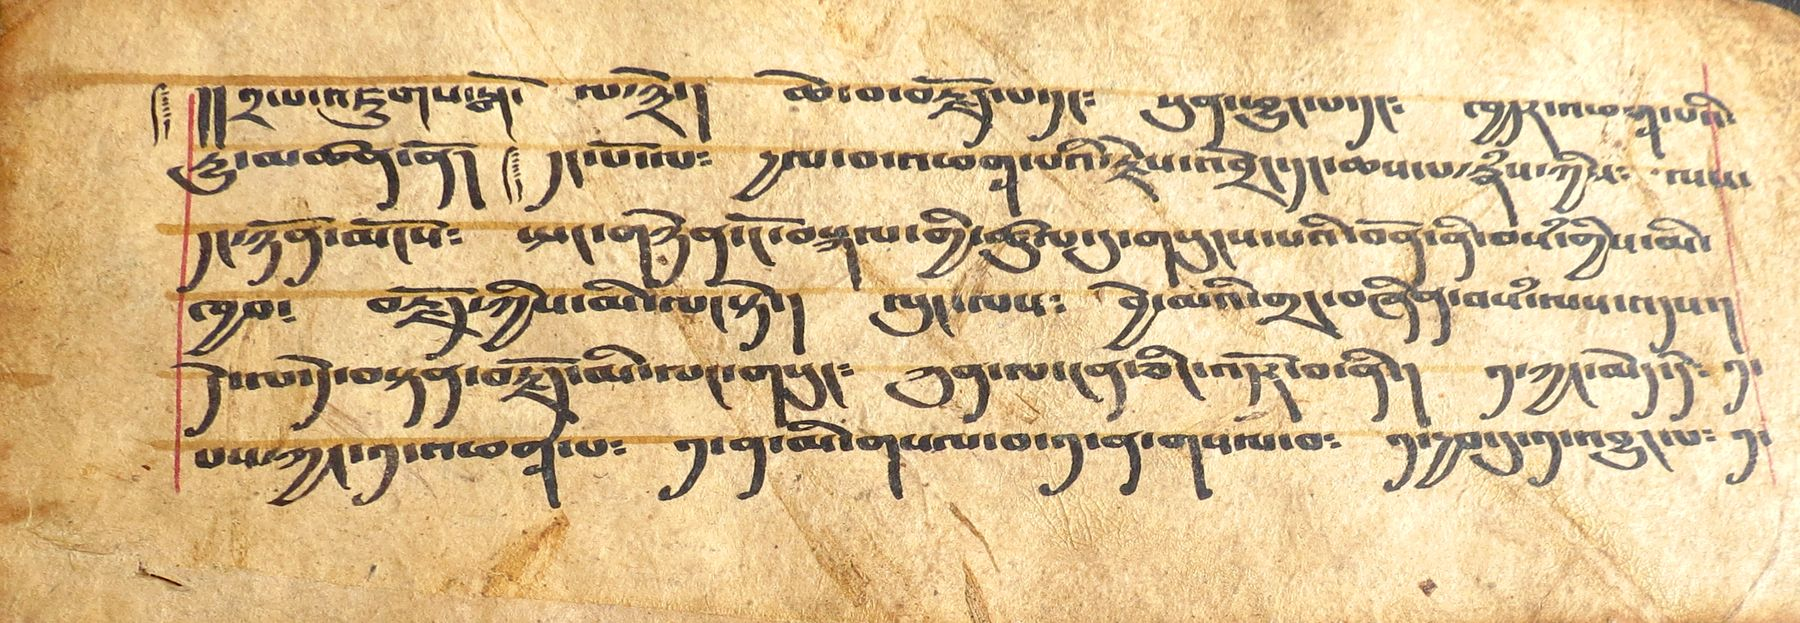གཉིས་པ་འཇུག་སྒོ་ལ་གསུམ་སྟེ། ཆེ་བ་བརྗོད་པ་དང་། སུན་དབྱུང་བ་དང་། ཁྱད་པར་འཕགས་པའི་
རྒྱུ་མཚན་ནོ། ། ༧དང་པོ་ལ། ཆེ་བ་བརྗོད་པ། རྒྱལ་བ་འཕགས་པའི་རྗེས་འབྲེལ་དང་བཅས་པ་རྣམས་ཀྱིས་ལས་
དང་ཉོན་མོངས་སྤོང་གཉེན་ངོ་སྐལ་གྱི་ཚུལ་དུ་གསུངས་པའི་བོན་ནི་བསམ་གྱིས་མི་
ཁྱབ་བརྗོད་ཀྱིས་མི་ལང་གསུངས། ལུང་དྲུག་ལས། བྱེ་མའི་གྲངས་བཞིན་བསམ་ལས་འདས། 
དེ་ལ་དེ་བསྟན་བརྗོད་མི་ལང་གསུངས་པས། ཀུན་ལ་ངན་ཅིང་འདོར་བ་ནི་གཅིག་ཀྱང་མེད་དེ། གཅིག་
བས་ཀྱང་གཅིག་འཕགས་པ། གཅིག་ན་མི་གསལ་བ་གཅིག་ན་གསལ་བ། གཅིག་རྒྱབ་ཏུ་གཅིག་འབྱུང་བ། གཅིག་